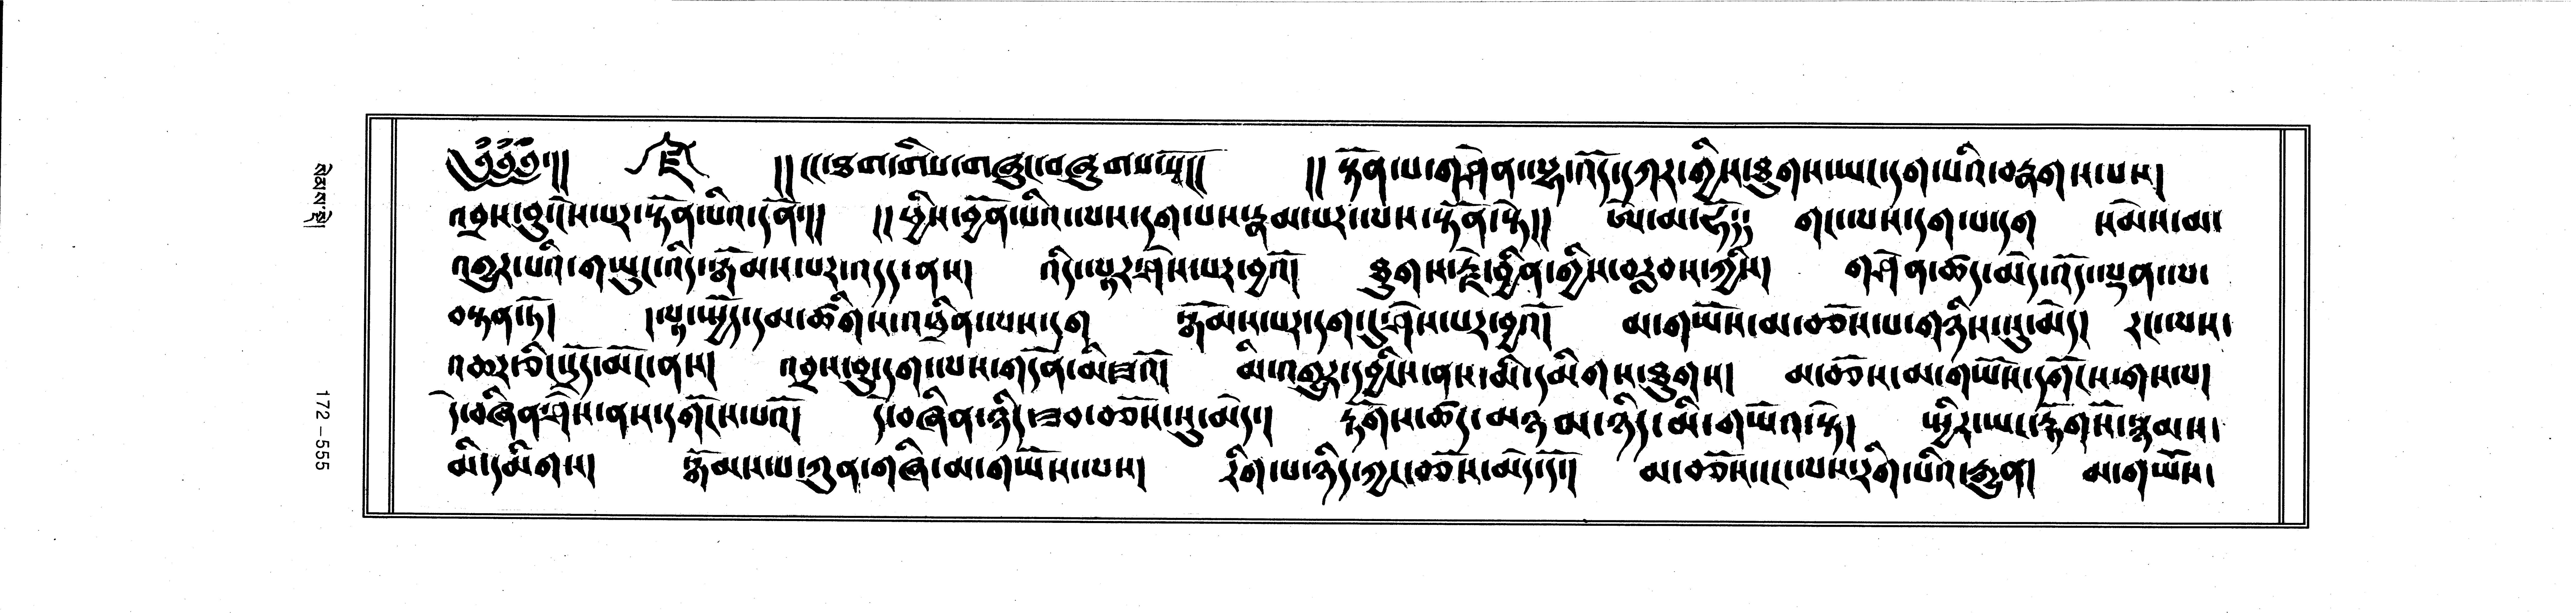༼ཛ༽ངང་ཐག་གི་གཞུང་བཞུགས་སྭོ།།༄༅།། །།སྟོན་པ་གཤེན་ལྷ་འོད་དཀར་གྱིས་ཐུགས་ཡང་དག་པའི་བརྣགས་པས། 
འབྲས་བུ་ངེས་པར་སྟོན་པའི་དོན། ཕྱིས་བྱོན་པའི་ལས་དག་པས་རྣམ་པར་ལས་སྟོན་སྟེ། ཨེ་མ་ཧོ། གང་ལས་དག་པ་དག་སེམས་མ་
འགྱུར་པའི་གཡུང་འདི་སྒོམས་པར་འདོད་ནས། འདི་ལྟར་ཤེས་པར་བྱའོ། ཐུགས་རྗེ་བྱིན་གྱིས་བརླབས་ཀྱིས། གཤེན་ཚད་མེད་འོད་ལྡན་ལ་
བསྟན་ཏོ། ལྟ་སྤྱོད་དམ་ཚིགས་འཕྲིན་ལས་དག སྒོམས་པར་དག་དུ་ཤེས་པར་བྱའོ། མ་གཡོས་མ་བཅོས་པ་གཉིས་སུ་མེད། རང་ལས་
འཆར་ཅིང་དྲོད་མོང་ནས། འབྲས་བུ་དག་ལས་གདོན་མི་ཟའོ། མི་འགྱུར་དབྱིངས་ནས་མི་དམིགས་ཐུགས། མ་བཅོས་མ་གཡོས་དགོངས་པ་གསལ། 
དེ་བཞིན་ཤེས་ནས་དགོངས་པའོ། དེ་བཞིན་ཉིད་ཟབ་བཅོས་སུ་མེད། རྟོགས་ཚད་མཉམ་ཉིད་མི་གཡོའ་སྟེ། སྤྱིར་ཡང་རྟོགས་སོ་སྙམས་
མི་དམིགས། སྒོམས་པ་ཀུན་གཞི་མ་གཡོས་ལས། རིག་པ་ཉིད་ཀྱང་བཅོས་མེད་དོ། མ་བཅོས་ངང་ལས་རིག་པའི་རྒྱུན། མ་གཡོས་